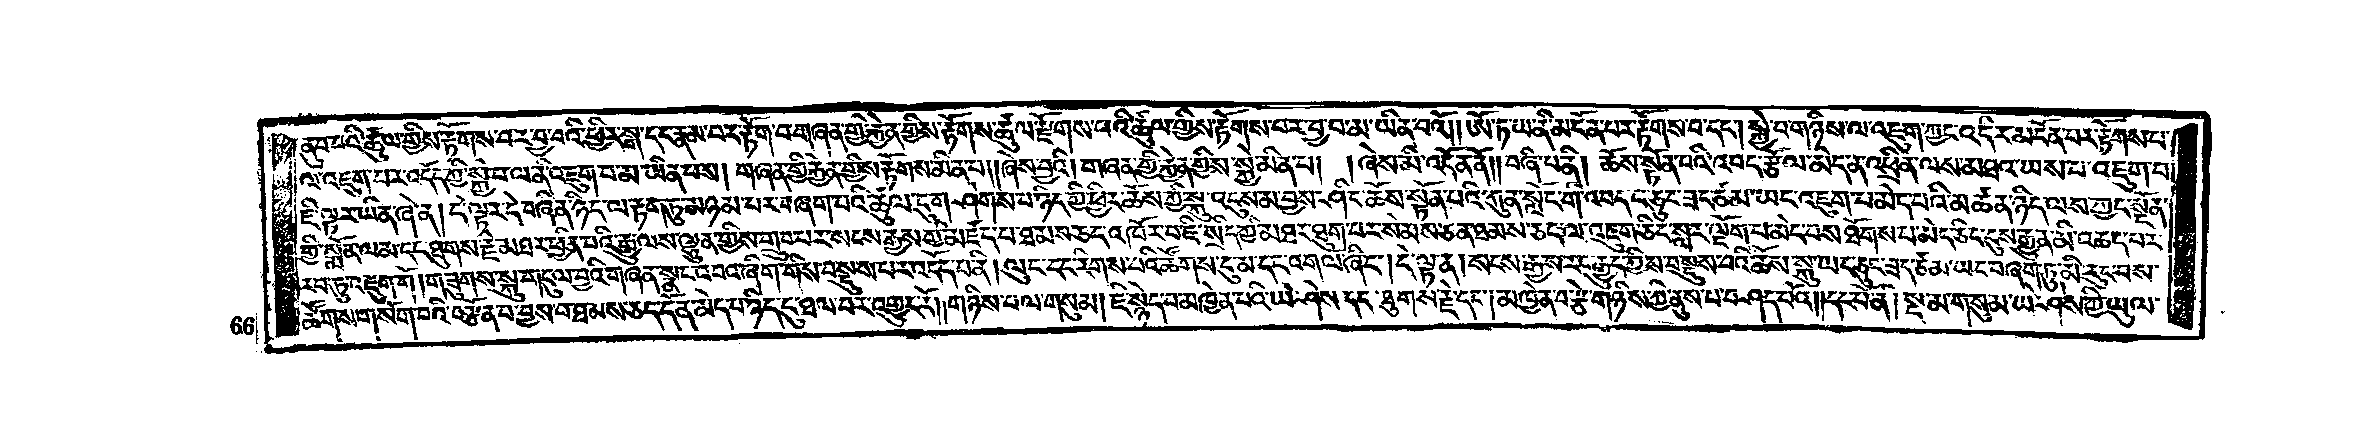ནུབ་པའི་ཚུལ་གྱིས་རྟོགས་པར་བྱ་བའི་ཕྱིར་སྒོ་དང་རྣམ་པར་རྟོག་པ་གཞན་གྱི་རྐྱེན་གྱིས་རྟོགས་ཚུལ་རྫོགས་པའི་ཚུལ་གྱིས་རྟོགས་པར་བྱ་བ་མ་ཡིན་པའོ། །ཨོ་ཏ་ཡ་ནི་མངོན་པར་རྟོགས་པ་དང་། སྐྱེ་བ་གཉིས་ལ་འཇུག་ཀྱང་འདིར་མངོན་པར་རྟོགས་པ་
ལ་འཇུག་པར་འདོད་ཀྱི་སྐྱེ་བ་ལ་ནི་འཇུག་པ་མ་ཡིན་པས། གཞན་གྱི་རྐྱེན་གྱིས་རྟོགས་མིན་པ། །ཞེས་བྱའི། གཞན་གྱི་རྐྱེན་གྱིས་སྐྱེ་མིན་པ། ཞེས་མི་འདོན་ནོ། །བཞི་པ་ནི། ཆོས་སྟོན་པའི་འབད་རྩོལ་མེད་ན་འཕྲིན་ལས་མཐའ་ཡས་པ་འཇུག་པ་
ཇི་ལྟར་ཡིན་ཞེ་ན། དེ་ལྟར་དེ་བཞིན་ཉིད་ལ་རྟག་ཏུ་མཉམ་པར་བཞག་པའི་ཚུལ་དུ་གཤེགས་པ་ཉིད་ཀྱི་ཕྱིར་ཆོས་ཀྱི་སྐུ་འདུས་མ་བྱས་ཤིང་ཆོས་སྟོན་པའི་ཀུན་སློང་གི་འབད་པ་ཅུང་ཟད་ཙམ་ཡང་འཇུག་པ་མེད་པའི་མཚན་ཉིད་ལས་ཀྱང་སྔོན་
གྱི་སྨོན་ལམ་དང་ཐུགས་རྗེ་མཐར་ཕྱིན་པའི་རྒྱུ་ལས་ལྷུན་གྱིས་གྲུབ་པར་སངས་རྒྱས་ཀྱི་མཛད་པ་ཐམས་ཅད་འཁོར་བ་ཇི་སྲིད་ཀྱི་མཐར་ཐུག་པར་སེམས་ཅན་ཐམས་ཅད་ལ་འཇུག་ཅིང་སླར་ལྡོག་པ་མེད་པས་ཐོགས་པ་མེད་ཅིང་དུས་རྒྱུན་མི་འཆད་པར་
རབ་ཏུ་འཇུག་གོ །གཟུགས་སྐུ་གདུལ་བྱའི་གཞན་སྣང་འབའ་ཞིག་གིས་བསྡུས་པར་འདོད་པ་ནི། ལུང་དང་རིགས་པའི་ཚོགས་དུ་མ་དང་འགལ་ཞིང་། དེ་ལྟ་ན། སངས་རྒྱས་རང་རྒྱུད་ཀྱིས་བསྡུས་པའི་ཆོས་སྐུ་ཡང་ཅུང་ཟད་ཙམ་ཡང་བཞག་ཏུ་མི་རུང་བས་
ཚོགས་གསོག་པའི་བརྩོན་པ་བྱས་པ་ཐམས་ཅད་དོན་མེད་པ་ཉིད་དུ་ཐལ་བར་འགྱུར་རོ། །གཉིས་པ་ལ་གསུམ། ཇི་སྙེད་པ་མཁྱེན་པའི་ཡེ་ཤེས་དང་ཐུགས་རྗེ་དང་། མཁྱེན་བརྩེ་གཉིས་ཀྱི་ནུས་པ་བཤད་པའོ། །དང་པོ་ནི། སྔ་མ་གསུམ་ཡེ་ཤེས་ཀྱི་ཡུལ་